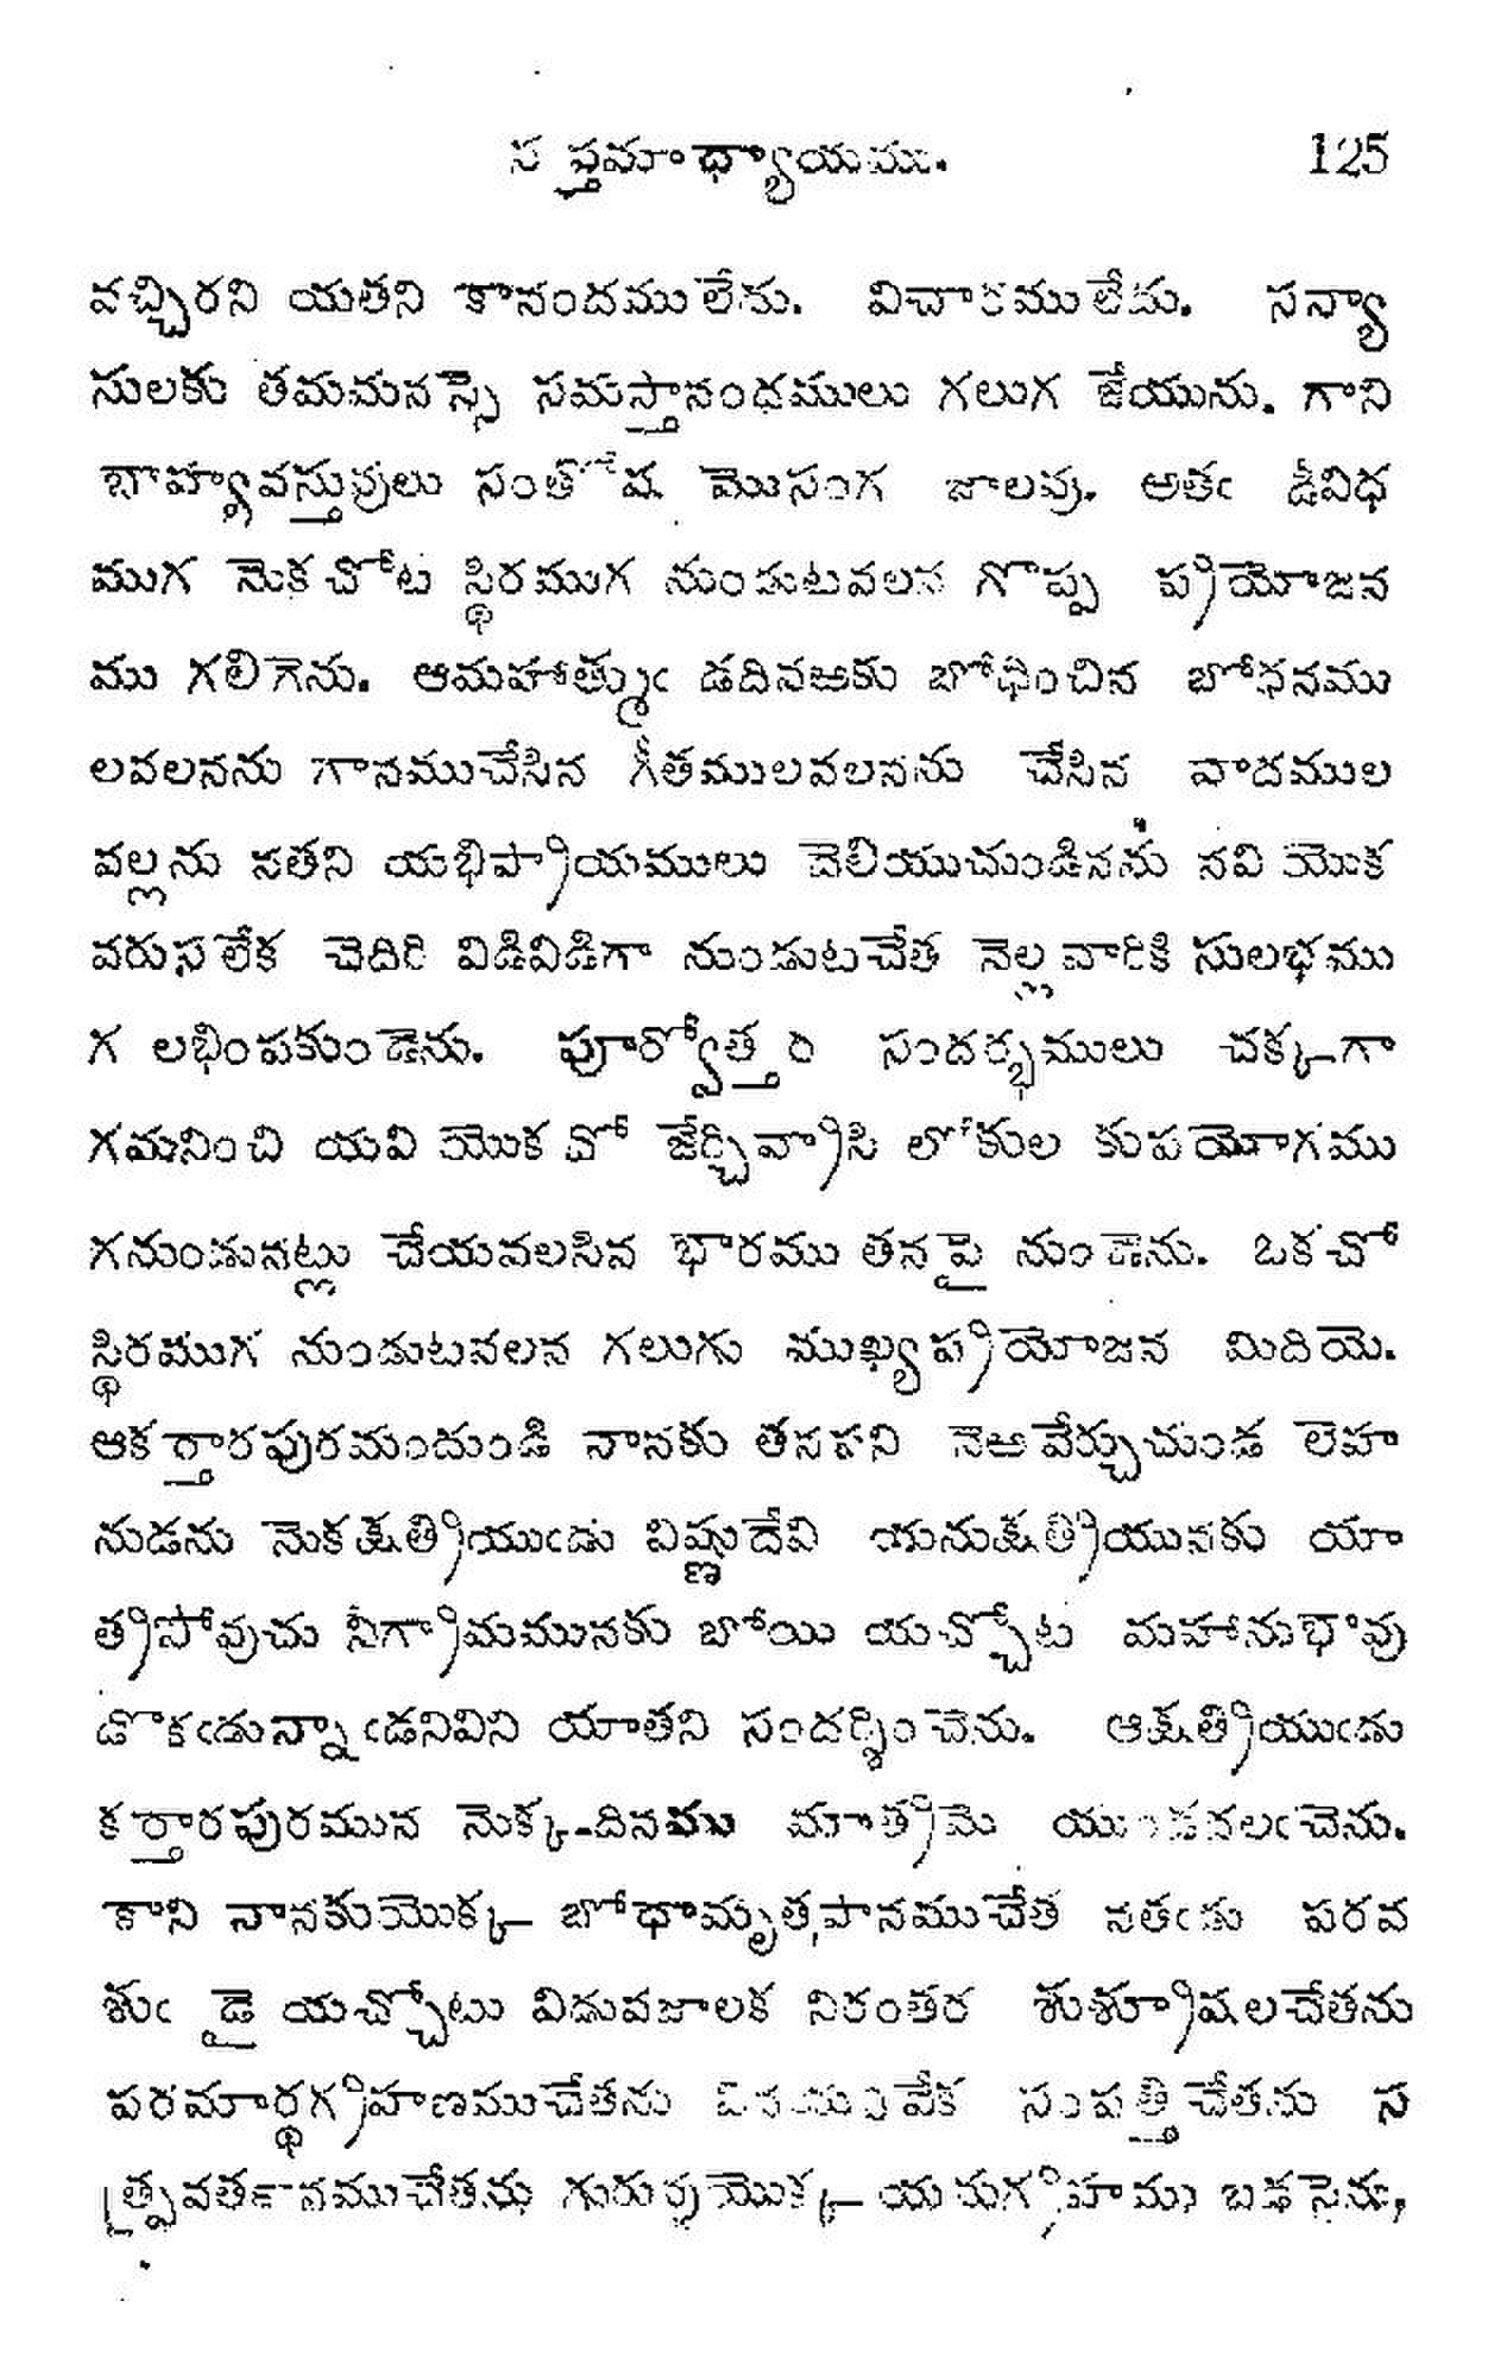వచ్చిరని యతని కానందములేదు. విచారము లేదు. సన్యాసులకు తమమనస్సె సమస్తానందములు గలుగ జేయును. గాని బాహ్యవస్తువులు సంతోష మొసంగ జాలవు. అత డీవిధముగ నొకచోట స్థిరముగ నుండుటవలన గొప్ప ప్రయోజనము గలిగెను. ఆమహాత్ము డదివఱకు బోధించిన బోధనములవలనను గానముచేసిన గీతములవలనను చేసిన వాదముల వల్లను నతని యభిప్రాయములు దెలియుచుండినను నవి యొక వరుసలేక చెదిరి విడివిడిగా నుండుటచేత నెల్లవారికి సులభముగ లభింపకుండెను. పూర్వోత్తర సందర్భములు చక్కగా గమనించి యవి యొకచో జేర్చివ్రాసి లోకుల కుపయోగముగనుండునట్లు చేయవలసిన భారము తనపై నుండెను. ఒకచో స్థిరముగ నుండుటవలన గలుగు ముఖ్యప్రయోజన మిదియె. ఆకర్తారపురమందుండి నానకు తనపని నెఱవేర్చుచుండ లెహనుడను నొకక్షత్రియుడు విష్ణుదేవి యనుక్షత్రియువకు యాత్రపోవుచు నీగ్రామమునకు బోయి యచ్చోట మహానుభావుడొకడున్నాడనివిని యాతని సందర్శించెను. ఆక్షత్రియుడు కర్తారపురమున నొక్కదినము మాత్రమె యుండదలచెను. కాని నానకుయొక్క బోధామృతపానముచేత నతడు పరవసు డై యచ్చోటు విడువజాలక నిరంతర శుశ్రూషలచేతను పరమార్థగ్రహణముచేతను వినయవివేక సంపత్తిచేతను సత్ప్రవతన్‌నముచేతను గురువుయొక్క యనుగ్రహము బడసెను.